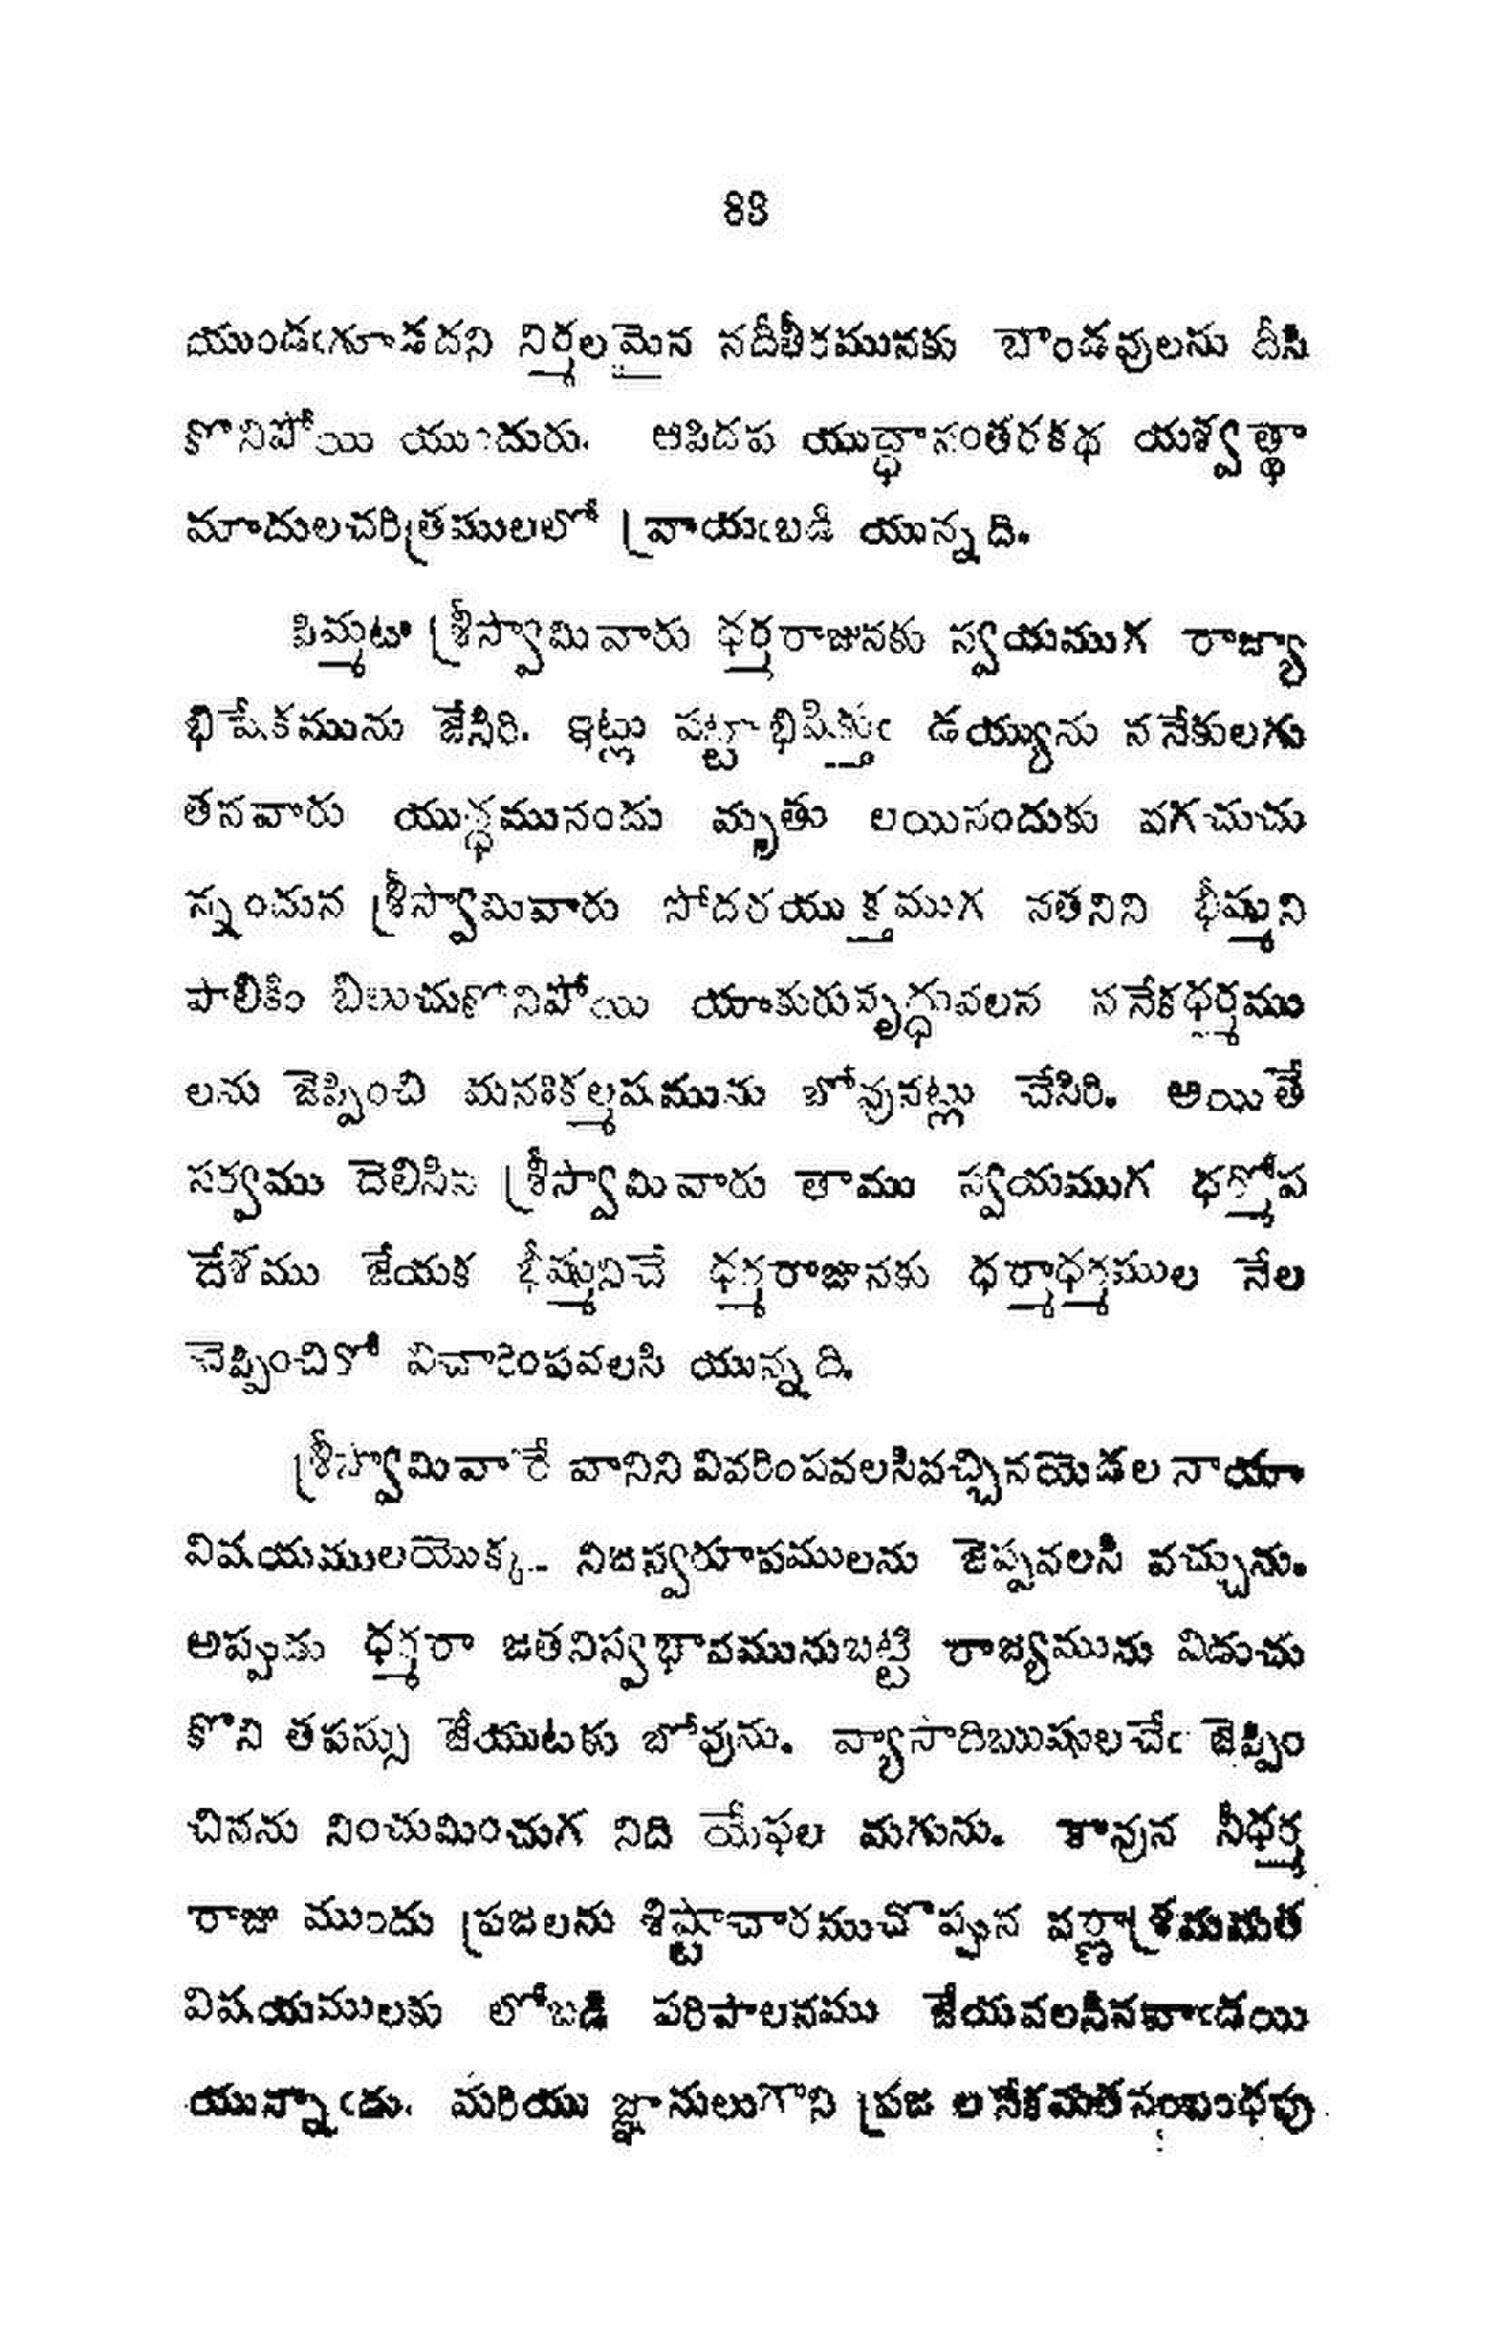యుండఁగూడదని నిర్మలమైన నదీతీరమునకు పాండవులను దీసికొనిపోయి యుందురు. ఆపిదప యుద్ధానంతరకథ యశ్వత్థామాదులచరిత్రములలో వ్రాయఁబడి యున్న ది.

పిమ్మట శ్రీస్వామివారు ధర్మరాజునకు స్వయముగ రాజ్యాభిషేకమును జేసిరి. ఇట్లు పట్టాభిషిక్తుఁ డయ్యును ననేకులగు తనవారు యుద్ధమునందు మృతు లయినందుకు వగచుచున్నందున
శ్రీస్వామివారు సోదరయుక్తముగ నతనిని భీష్ముని పాలికిం బిలుచుకొనిపోయి యాకురువృద్ధువలన ననేకధర్మములను జెప్పించి మనఃకల్మషమును బోవునట్లు చేసిరి. అయితే సర్వము దెలిసిన శ్రీస్వామివారు తాము స్వయముగ ధర్మోపదేశము జేయక భీష్మునిచే ధర్మరాజునకు ధర్మాధర్మముల నేల
చెప్పించిరో విచారింపవలసి యున్నది

శ్రీస్వామివారే వానినివివరింపవలసివచ్చినయెడల నాయా విషయములయొక్క నిజస్వరూపములను జెప్పవలసి వచ్చును. అప్పుడు ధర్మరా జతనిస్వభావమునుబట్టి రాజ్యమును విడుచుకొని తపస్సు జేయుటకు బోవును. వ్యాసాదిఋషులచేఁ జెప్పించినను నించుమించుగ నిది యేఫల మగును. కావున నీధర్మరాజు ముందు ప్రజలను శిష్టాచారముచొప్పున వర్ణాశ్రమమత విషయములకు లోబడి పరిపాలనము జేయవలసినవాఁడయి యున్నాఁడు. మరియు జ్ఞానులుగాని ప్రజ లనేకమత సంబంధపు